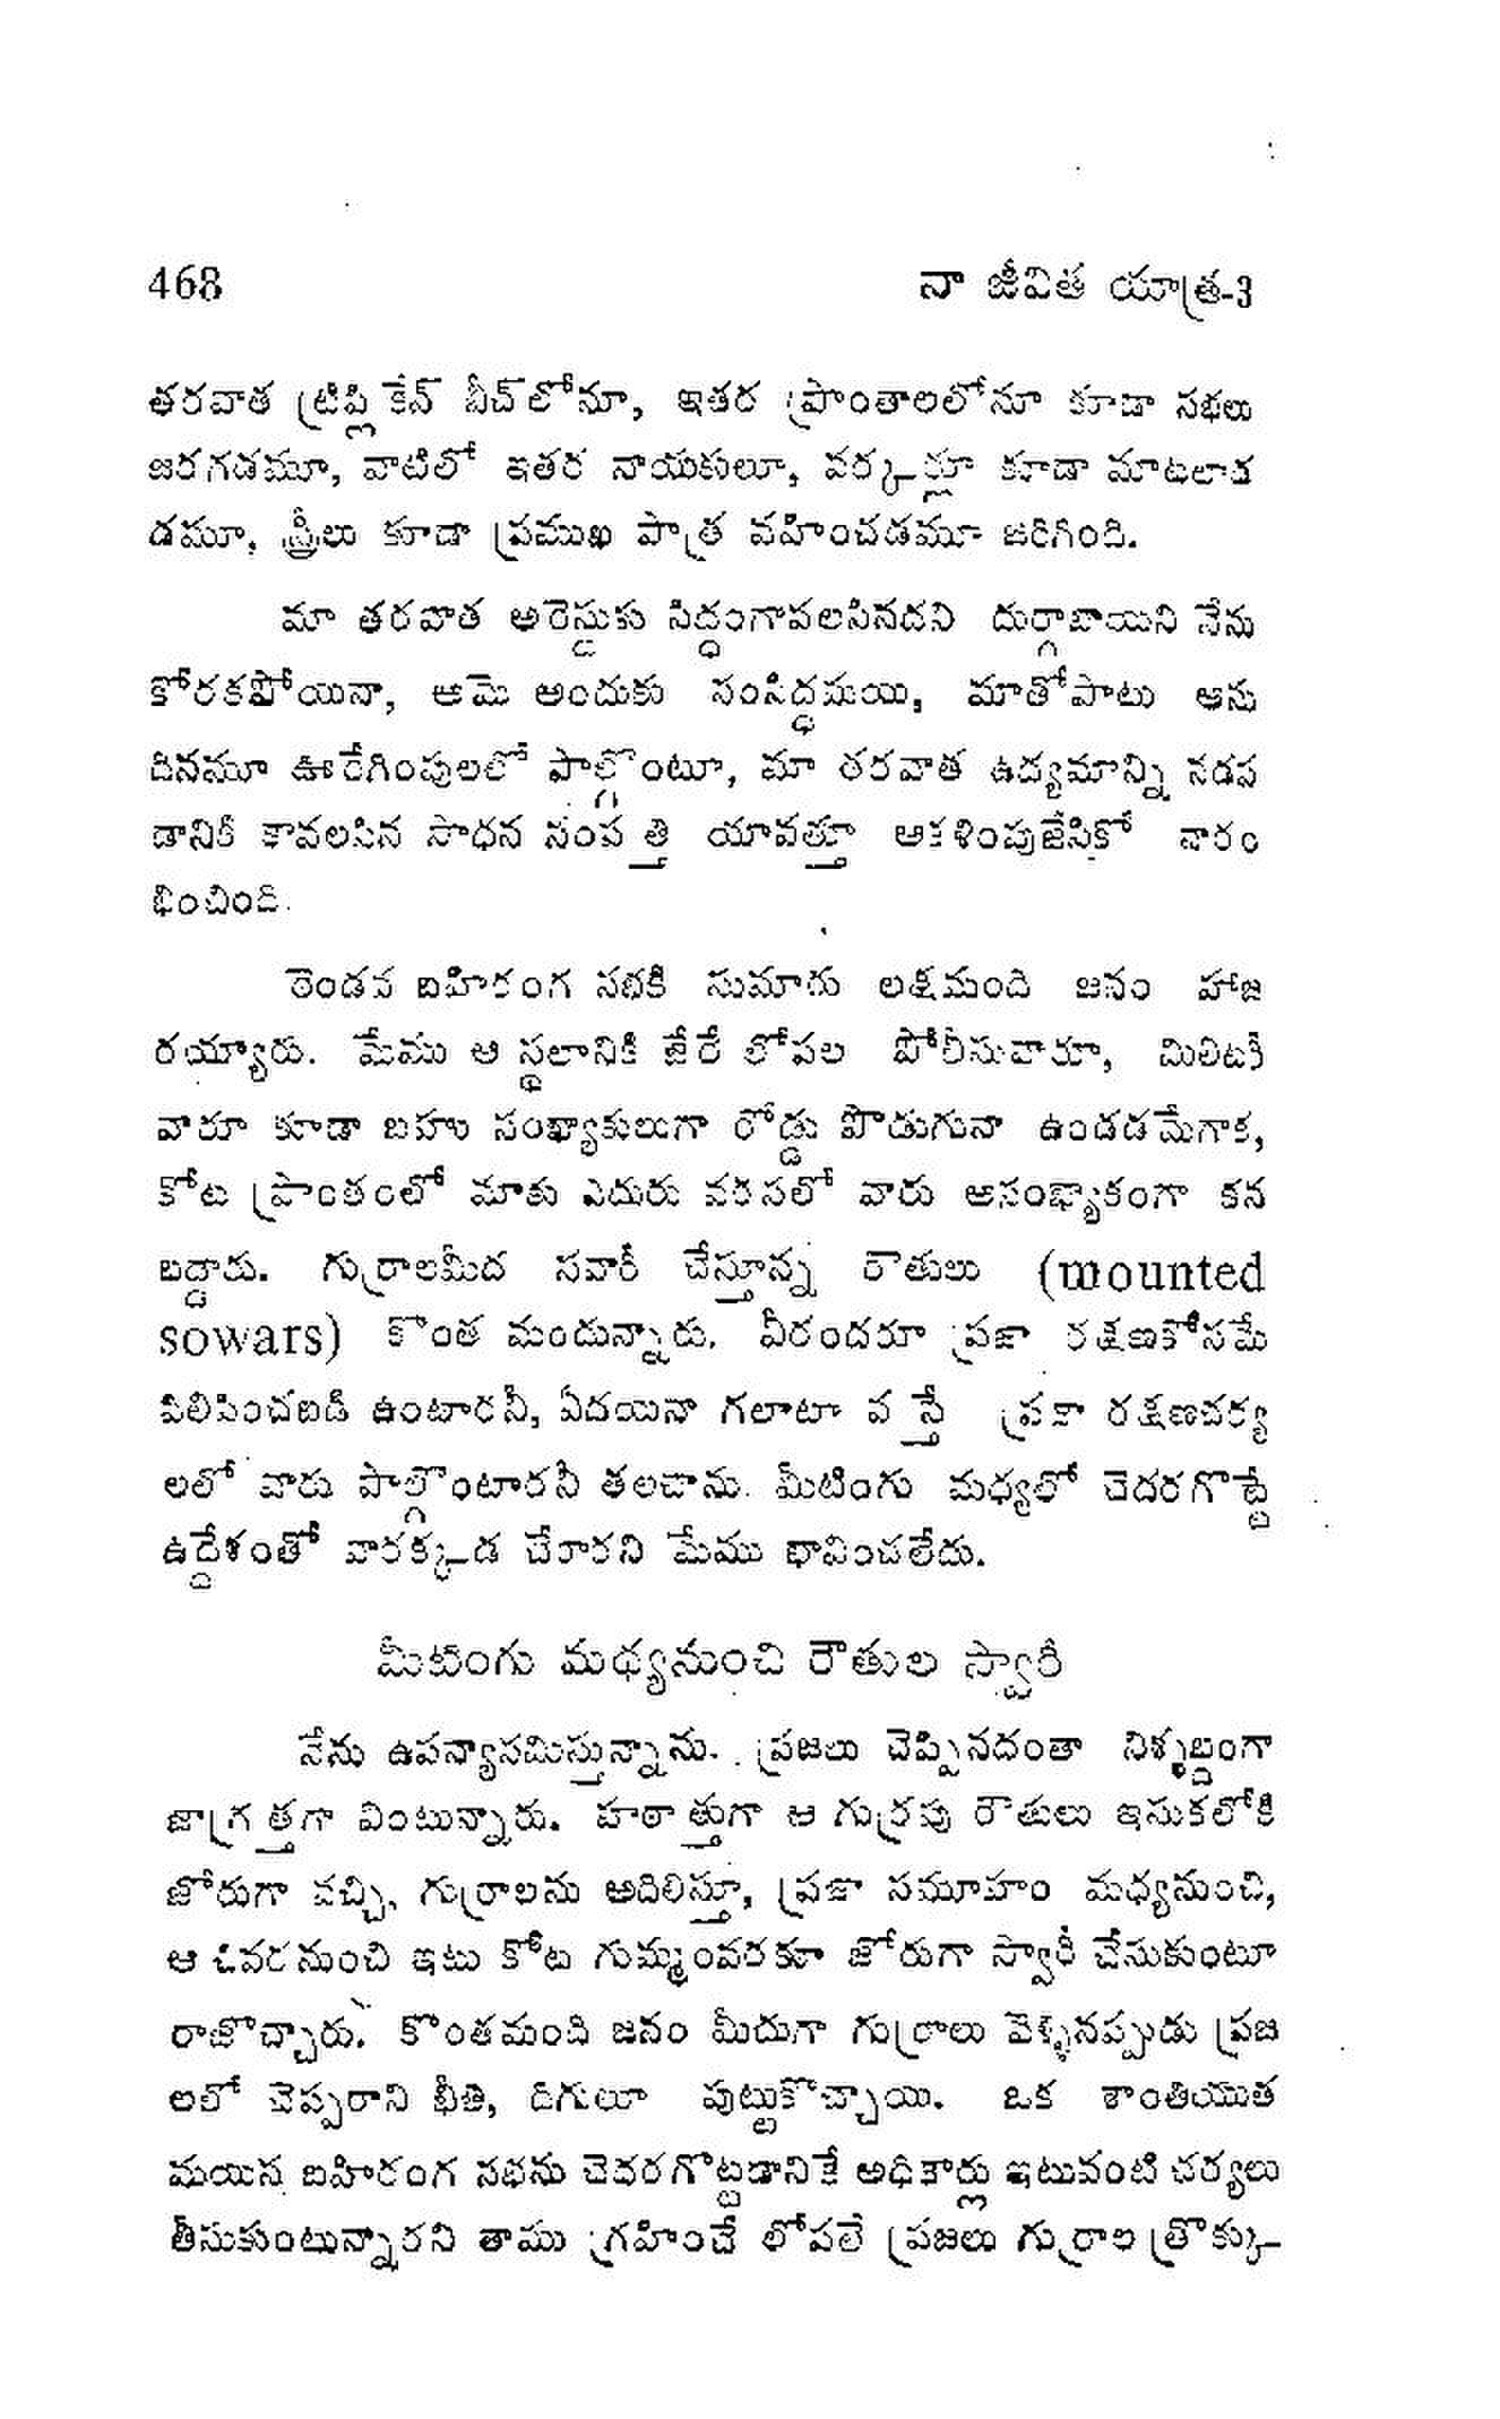తరవాత ట్రిప్లికేన్ బీచ్‌లోనూ, ఇతర ప్రాంతాలలోనూ కూడా సభలు జరగడమూ, వాటిలో ఇతర నాయకులూ, వర్కర్లూ కూడా మాటలాడడమూ, స్త్రీలు కూడా ప్రముఖ పాత్ర వహించడమూ జరిగింది.

మా తరవాత అరెస్టుకు సిద్ధంగావలసినదని దుర్గాబాయిని నేను కోరకపోయినా, ఆమె అందుకు సంసిద్ధమయి, మాతోపాటు అనుదినమూ ఊరేగింపులలో పాల్గొంటూ, మా తరవాత ఉద్యమాన్ని నడపడానికి కావలసిన సాధన సంపత్తి యావత్తూ ఆకళింపుజేసికో నారంభించింది.

రెండవ బహిరంగ సభకి సుమారు లక్షమంది జనం హాజరయ్యారు. మేము ఆ స్థలానికి జేరే లోపల పోలీసువారూ, మిలిటరీవారూ కూడా బహు సంఖ్యాకులుగా రోడ్డు పొడుగునా ఉండడమేగాక, కోట ప్రాంతంలో మాకు ఎదురు వరసలో వారు అసంఖ్యాకంగా కనబడ్డారు. గుర్రాలమీద సవారీ చేస్తూన్న రౌతులు (mounted sowars) కొంత మందున్నారు. వీరందరూ ప్రజా రక్షణకోసమే పిలిపించబడి ఉంటారనీ, ఏదయినా గలాటా వస్తే ప్రజా రక్షణచర్యలలో వారు పాల్గొంటారనీ తలచాను. మీటింగు మధ్యలో చెదరగొట్టే ఉద్దేశంతో వారక్కడ చేరారని మేము భావించలేదు.

నేను ఉపన్యాసమిస్తున్నాను. ప్రజలు చెప్పినదంతా నిశ్శబ్దంగా జాగ్రత్తగా వింటున్నారు. హఠాత్తుగా ఆ గుర్రపు రౌతులు ఇసుకలోకి జోరుగా వచ్చి గుర్రాలను అదిలిస్తూ, ప్రజా సమూహం మధ్యనుంచి, ఆ చివరనుంచి ఇటు కోట గుమ్మంవరకూ జోరుగా స్వారీ చేసుకుంటూ రాజొచ్చారు. కొంతమంది జనం మీదుగా గుర్రాలు వెళ్ళినప్పుడు ప్రజలలో చెప్పరాని భీతి, దిగులూ పుట్టుకొచ్చాయి. ఒక శాంతియుతమయిన బహిరంగ సభను చెదరగొట్టడానికే అధికార్లు ఇటువంటి చర్యలు తీసుకుంటున్నారని తాము గ్రహించే లోపలే ప్రజలు గుర్రాల త్రొక్కు